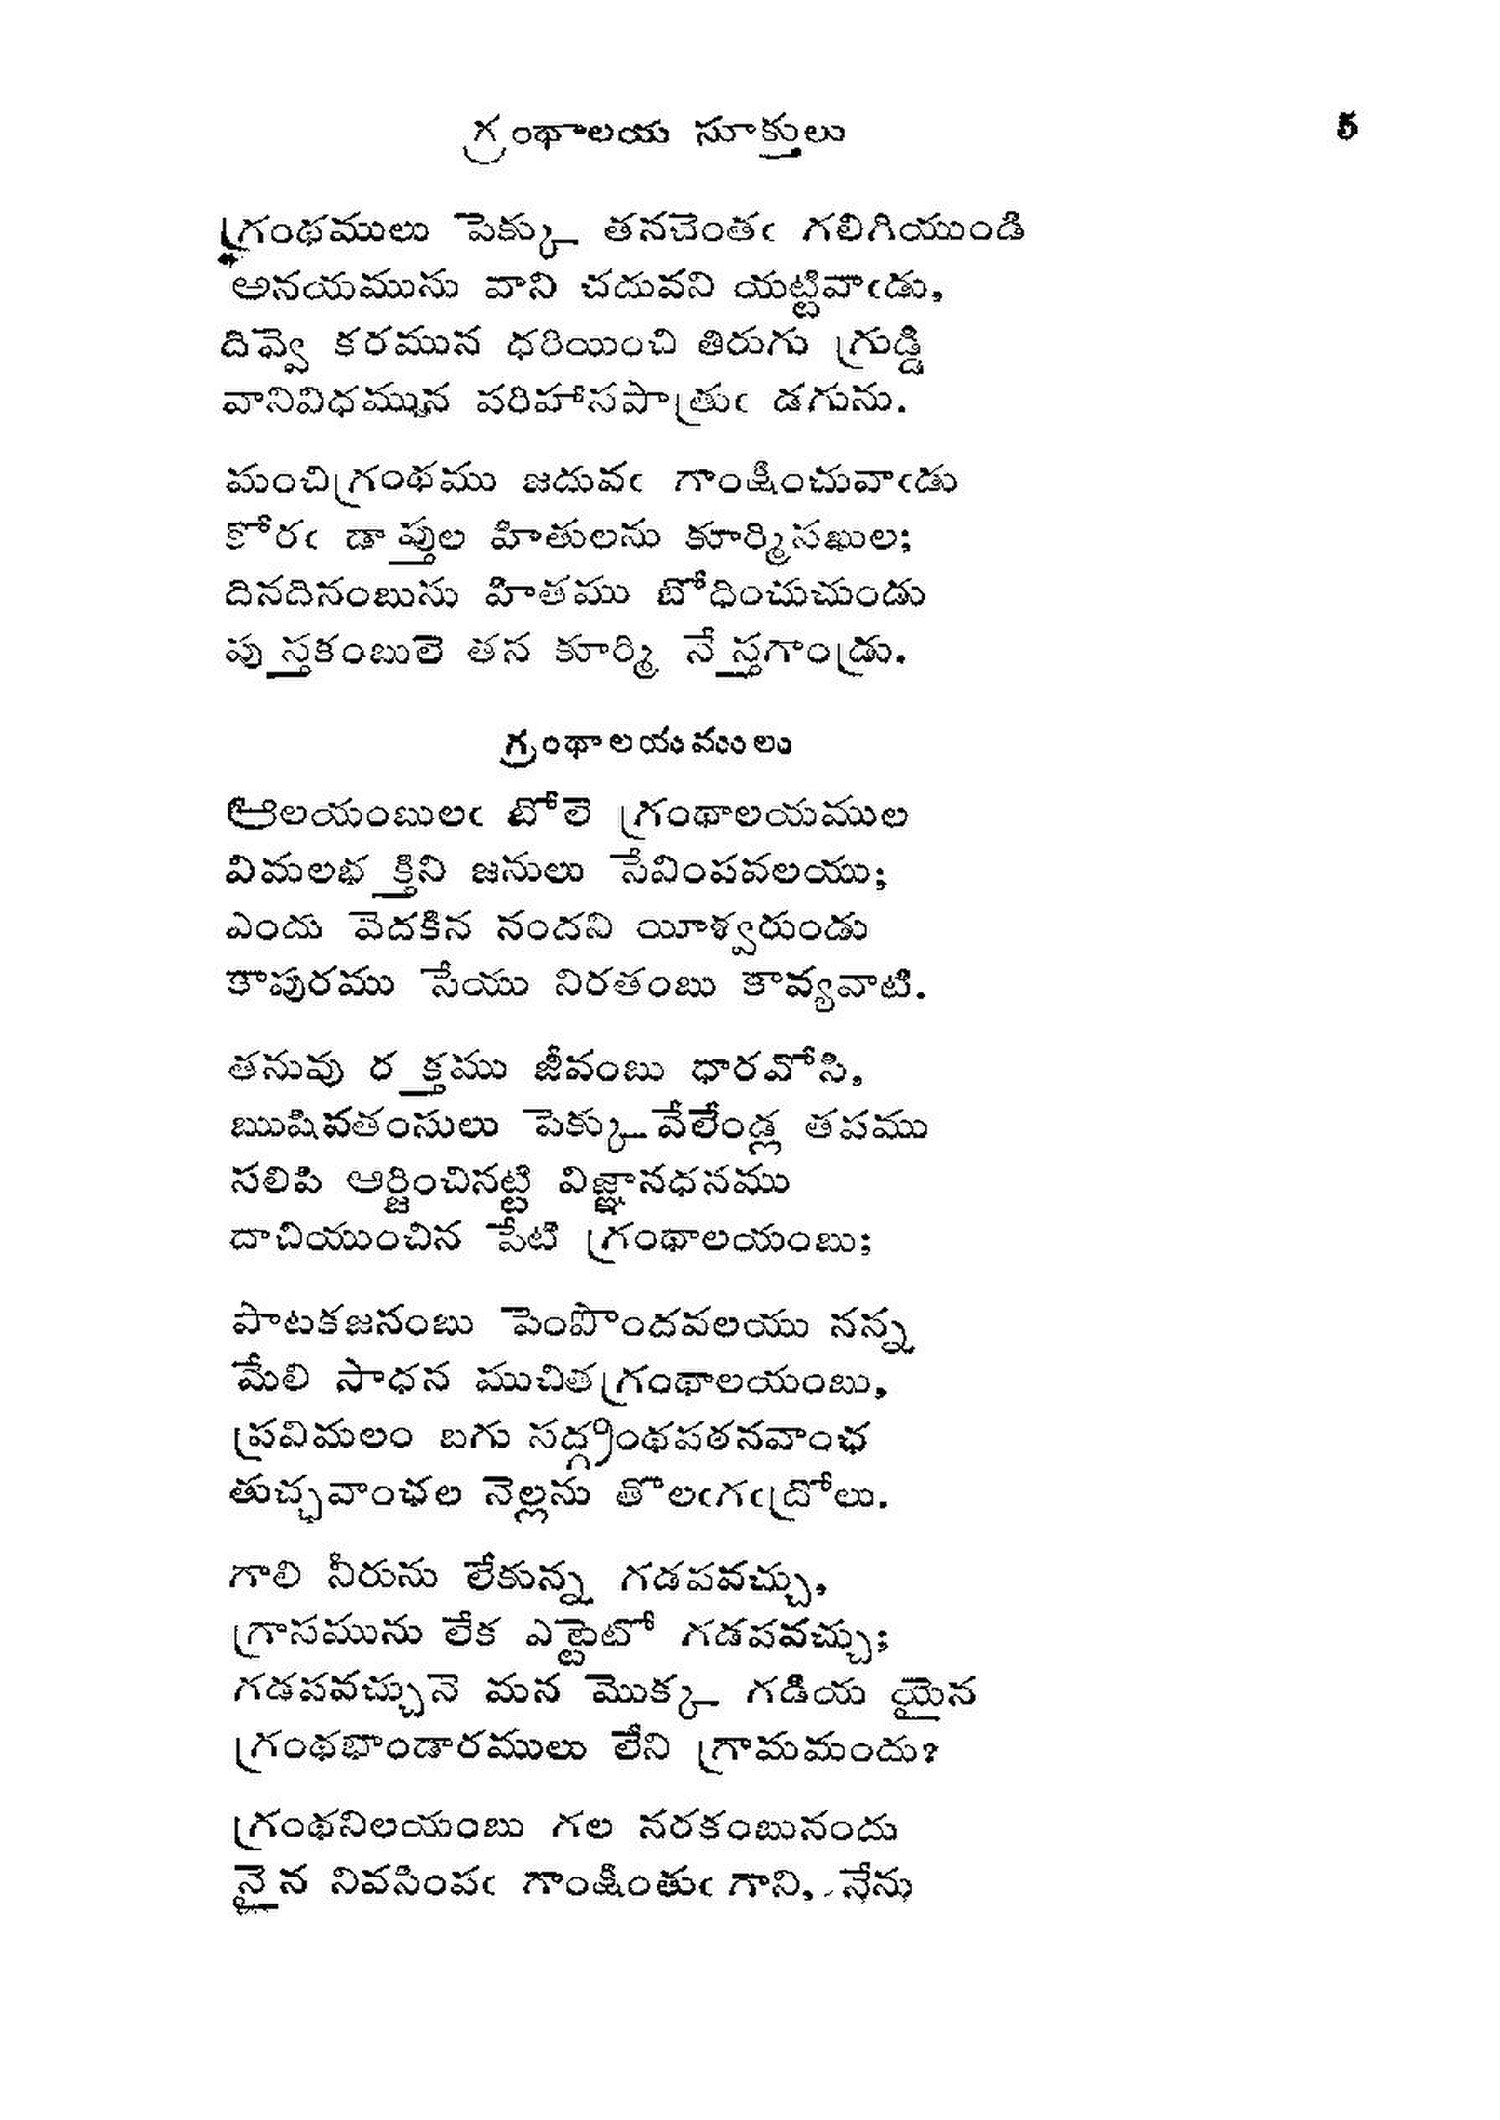గ్రంథములు పెక్కు తనచెంతఁ గలిగియుండి
అనయమును వాని చదువని యట్టివాఁడు,
దివ్వె కరమున ధరియించి తిరుగు గ్రుడ్డి
వానివిధమున పరిహాసపాత్రుఁ డగును.

మంచిగ్రంథము జదువఁ గాంక్షించువాఁడు
కోరఁ డా ప్తుల హితులను కూర్మిసఖుల;
దినదినంబును హితము బోధించుచుండు
పుస్తకంబులె తన కూర్మి నేస్తగాండ్రు. 
ఆలయంబులఁ బోలె గ్రంథాలయముల
విమలభ క్తిని జనులు సేవింపవలయు;
ఎందు వెదకిన నందని యీశ్వరుండు
కాపురము సేయు నిరతంబు కావ్యవాటి.

తనువు ర క్తము జీవంబు ధారవోసి,
ఋషివతంసులు పెక్కు వేలేండ్ల తపము
సలిపి ఆర్జించినట్టి విజ్ఞానధనము
దాచియుంచిన పేటి గ్రంథాలయంబు;

పాటకజనంబు పెంపొందవలయు నన్న
మేలి సాధన ముచిత గ్రంథాలయంబు,
ప్రవిమలం బగు సద్గ్రంథపఠనవాంఛ
తుచ్ఛవాంఛల నెల్లను తొలఁగఁద్రోలు,

గాలి నీరును లేకున్న గడపవచ్చు,
గ్రాసమును లేక ఎట్టెటో గడపవచ్చు;
గడపవచ్చునె మన మొక్క గడియ యైన
గ్రంథభాండారములు లేని గ్రామమందు?

గ్రంథనిలయంబు గల నరకంబునందు
నైన నివసింపఁ గాంక్షింతుఁ గాని, నేను